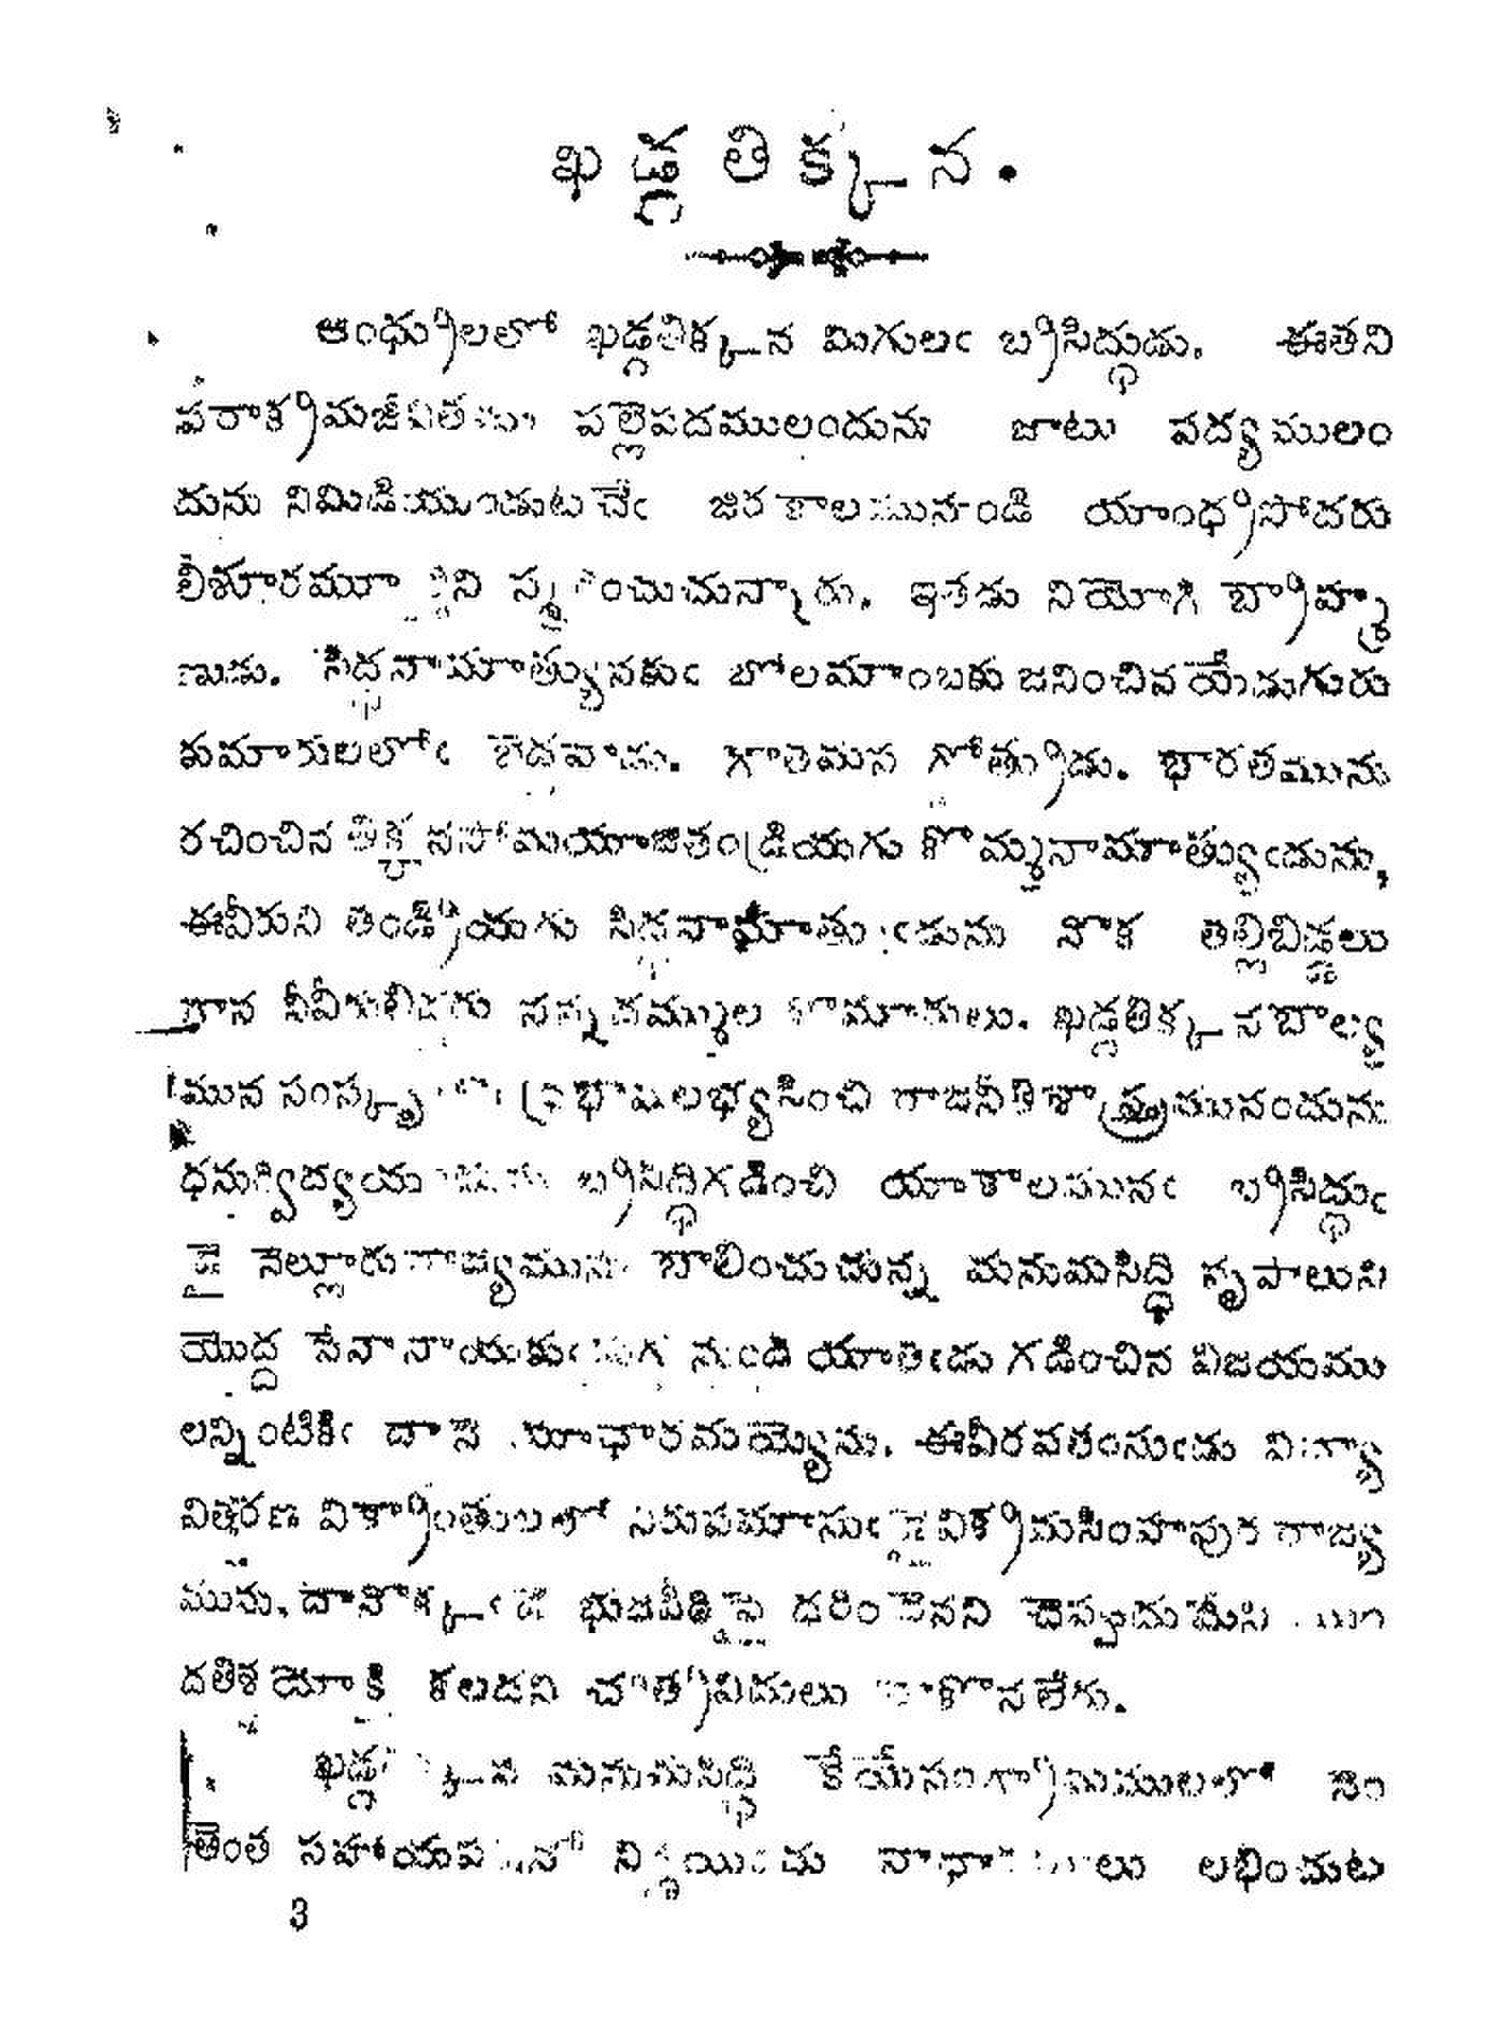ఆంధ్రులలో ఖడ్గతిక్కన మిగుల బ్రసిద్ధుడు. ఈతని పరాక్రమజీవితము పల్లెపదములందును జాటు పద్యములందును నిమిడియుండుటచే జిరకాలమునుండి యాంధ్రసోదరు లీశూరమూర్తిని స్మరించుచున్నారు. ఇతడు నియోగి బ్రాహ్మణుడు. సిద్ధనామాత్యునకు బోలమాంబకు జనించిన యేడుగురు కుమారులలో బెద్దవాడు. గౌతమస గోత్రుడు. భారతమును రచించిన తిక్కనసోమయాజితండ్రియగు కొమ్మనామాత్యుడును, ఈవీరుని తండ్రియగు సిద్ధనామాత్యుడును నొక తల్లిబిడ్డలు. గాన నీవీరులిద్దరు నన్నదమ్ములు కొమారులు. ఖడ్గతిక్కన బాల్యమున సంస్కృతాంధ్రభాషలభ్యసించి రాజనీతిశాస్త్రమునందును. ధనుర్విద్యయందును బ్రసిద్ధిగడించి యాకాలమున బ్రసిద్ధుడై నెల్లూరురాజ్యమును బాలించుచున్న మనుమసిద్ధి నృపాలుని యొద్ద సేనానాయకుడుగ నుండి యాతడు గడించిన విజయము లన్నింటికి దానె యాధారమయ్యెను. ఈవీరవతంసుడు విద్యా వితరణ విక్రాంతులలో నిరుపమానుడై విక్రమసింహపుర రాజ్యమును, దానొక్కండె భుజపీఠిపై ధరించెనని చెప్పుదుమేని యిందతిశయొక్తి కలదని చరిత్రవిదులు వాకొనలేరు.

ఖడ్గతిక్కన మనుమసిద్ధి కేయేసంగ్రామములలో నెంతెంత సహాయపడినో నిర్ణయించు నాధారములు లభించుట